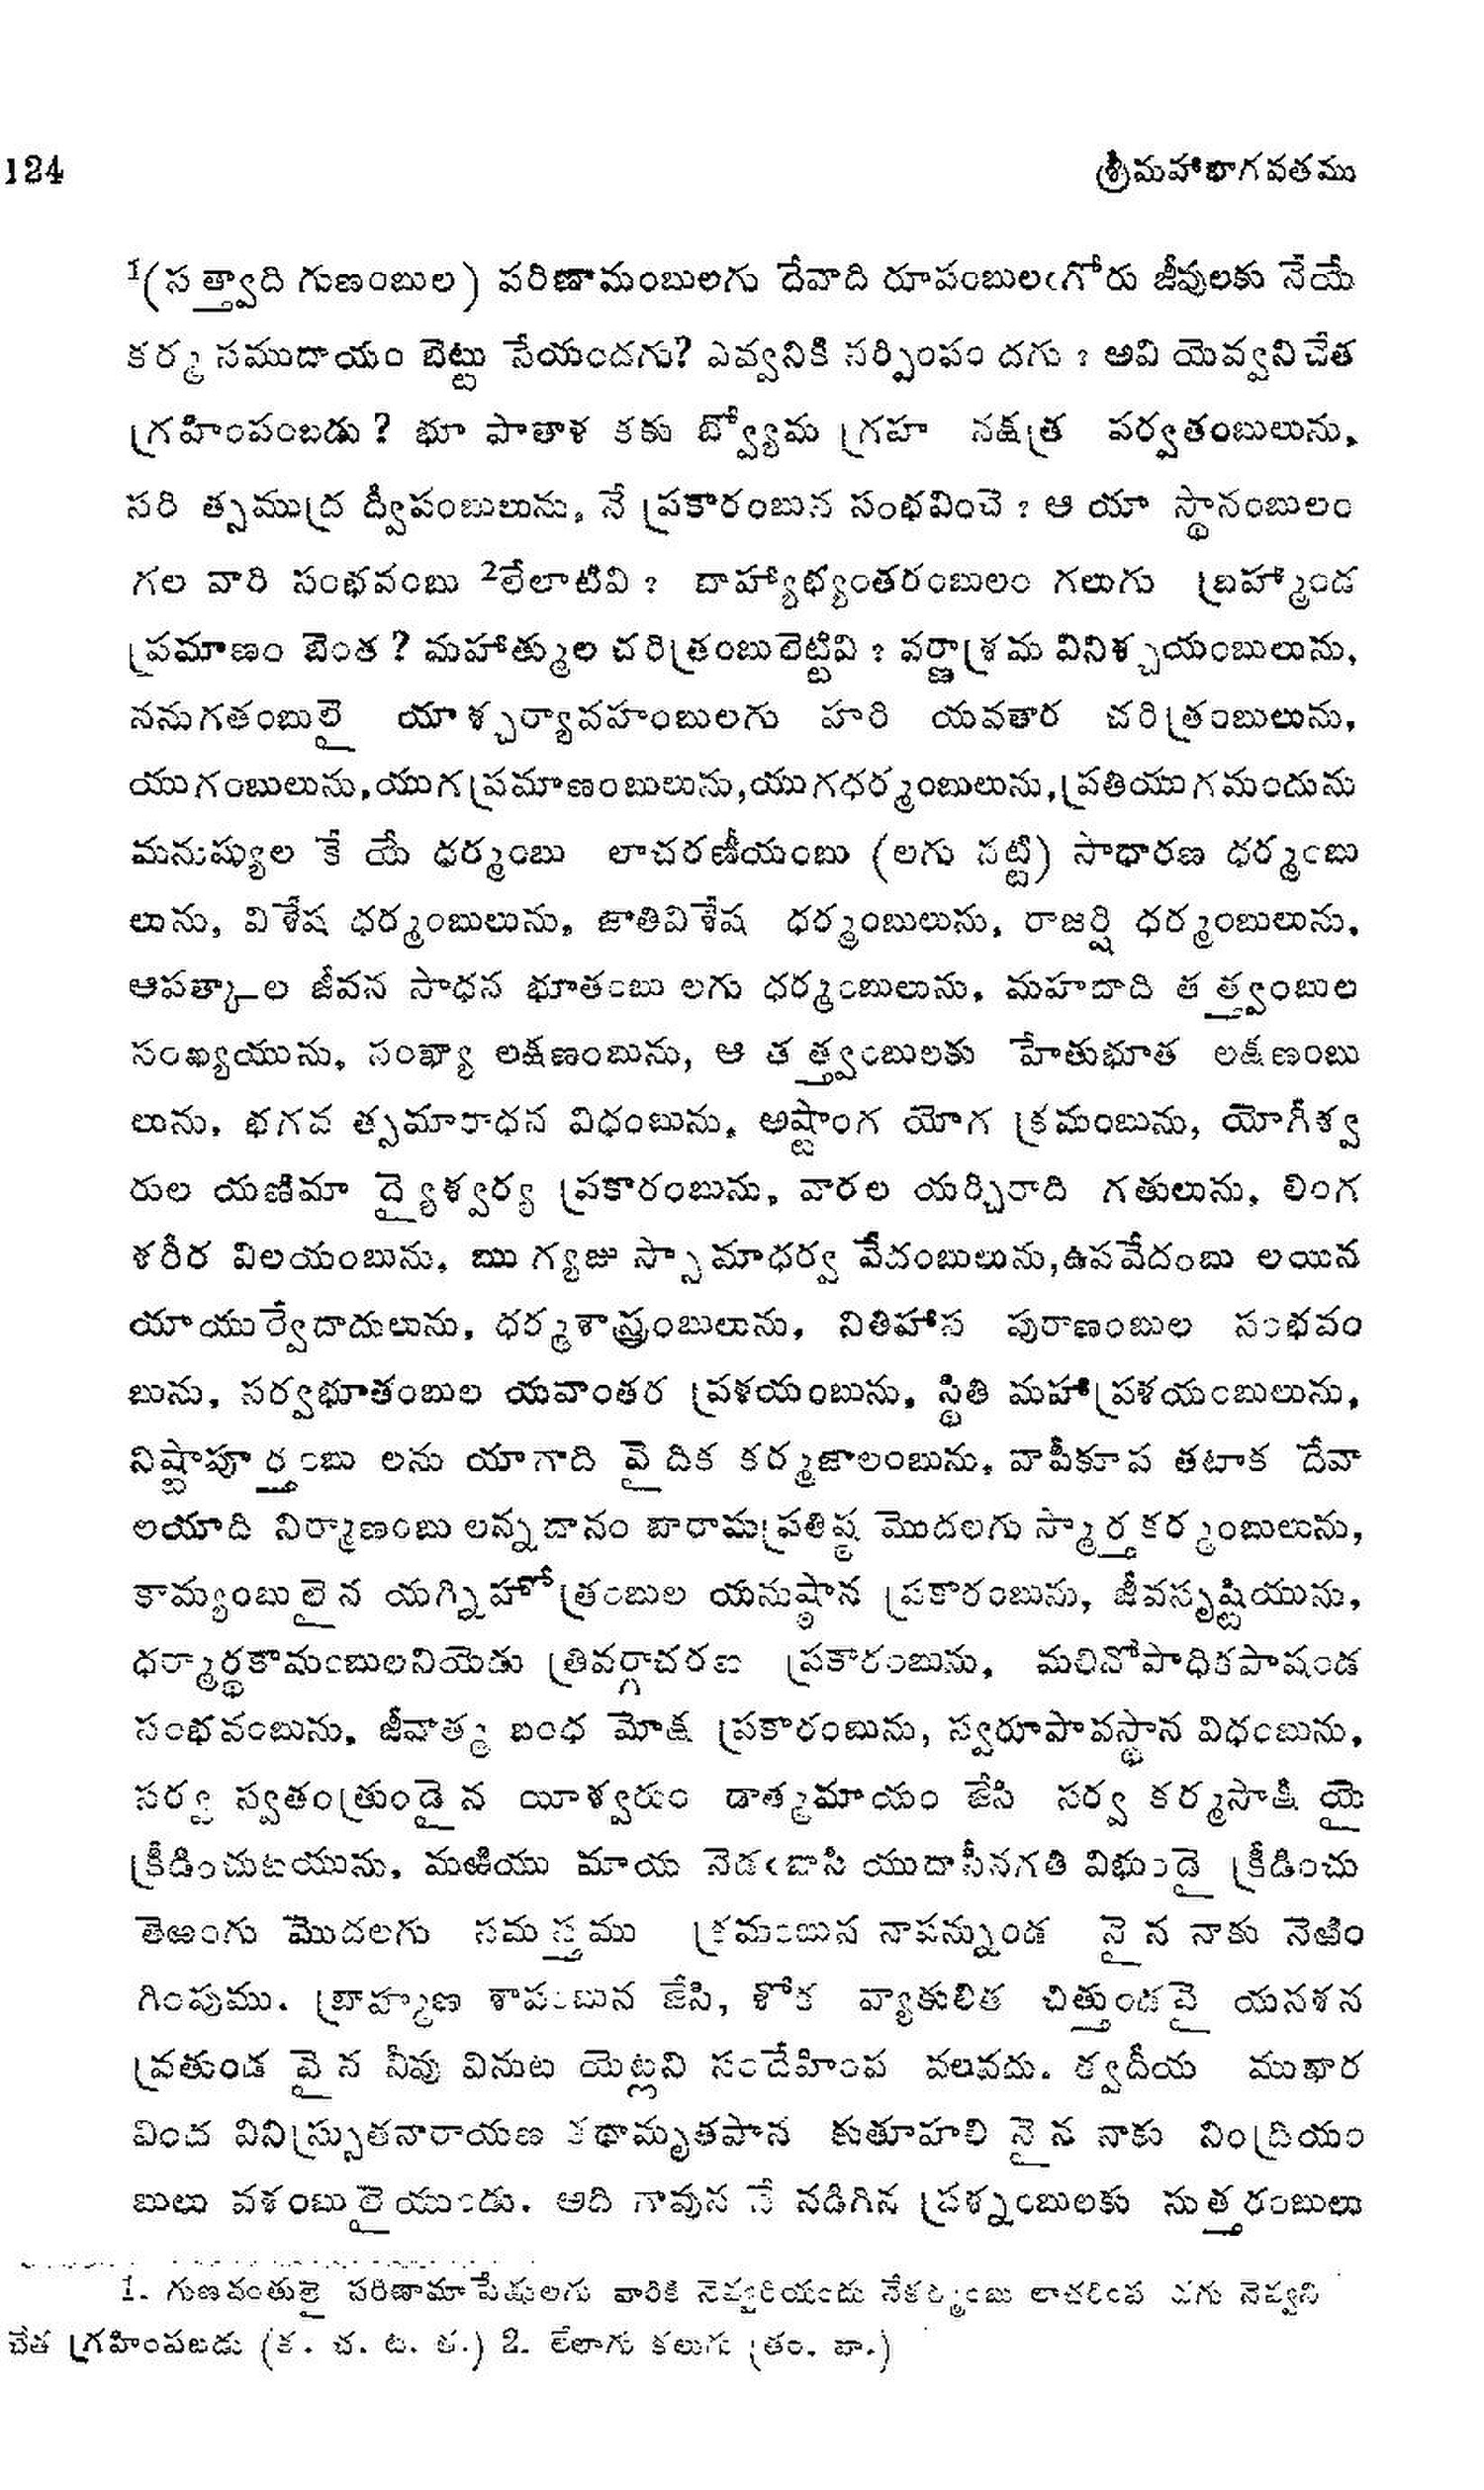124

(సత్త్వాది గుణంబుల) పరిణామంబులగు దేవాది రూపంబులఁగోరు జీవులకు నేయే కర్మసముదాయం బేట్టు సేయందగు? ఎవ్వనికి నర్పింపం దగు? అవి యెవ్వనిచేత గ్రహింపంబడు? 

భూ పాతాళ కకు బ్వ్యోమ గ్రహ నక్షత్ర పర్వతంబులను,సరి త్సముద్ర ద్వీపంబులను, నే ప్రకారంబున సంభవించె? ఆ యా స్థానంబులం గల వారి సంభవంబు లేలాటివి? బాహ్యాభ్యంతరంబులం గలుగు 

బ్రహ్మాండ ప్రమాణం బెంత? మహాత్ముల చరిత్రంబులెట్టివి? వర్ణాశ్రమ వినిశ్చయంబులును, యుగంబులును, యుగప్రమాణంబులును, యుగధర్మంబులును, ప్రతియుగమందును మనుష్యుల కే యే 

ధర్మంబు లాచరణీయంబు (లగు నట్టి) సాధారణ ధర్మంబులునుఁ, జాతివిశేష ధర్మంబులును, రాజర్షి ధర్మంబులును ఆపత్కాల జీవన ఆధ్న భూతంబు లగు ధర్మంబులును, మహదాది తత్వంబుల 

సంఖ్యయును, సంఖ్యా లక్షణంబును, ఆ తత్వంబులకు హేతుభూత లక్షణంబులును, భగవ త్సమారాధన విధంబును, అష్టాంగ యోగ క్రమంబును, యోగీశ్వరుల యణిమా ద్యైశ్వర్య ప్రకారంబును, 

వారల యర్చిరాది గతులును, లింగ శరీర విలయంబును, ఋ గ్యజు స్సామాధర్వ వేదంబులును, ఉపవేదంబు లయిన యాయుర్వేదాదులును, ధర్మశాస్త్రంబులును, నితిహాస పురాణంబుల 

సంభవంబును, సర్వభూతంబుల యవాంతర ప్రళయంబును, స్థితి మహాప్రళయంబులును, నిష్టాపూర్తంబు లను యాగాది వైదిక కర్మజాలంబును, వాపీకూప తటాక దేవాలయాది నిర్మాణంబు 

లన్నదానం బారామప్రతిష్ఠ మొదలగు స్మార్తకర్మంబులును, కామ్యంబులైన యగ్ని హోత్రంబుల యనుష్ఠాన ప్రకారంబును, జీవసృష్టియను, ధర్మార్ధకామంబులనియెడు త్రివర్గాచరణ ప్రకారంబును, 

మలినోపాధికపాషండ సంభవంబును, జీవాత్మ బంధ మోక్ష ప్రకారంబును, స్వరూపావస్థాన విధంబును, సర్వ స్వతంత్రుండైన యీశ్వరుం డాత్మమాయం జేసి సర్వ కర్మ సాక్షి యై క్రీడించుటయును, 

మఱియు మాయ నెడఁబాసి యుదాసీనగతి విభుండై క్రీడించు తెఱంగు మొదలగు సమస్తము క్రమంబున నాపన్నుండ నైన నాకు నెఱింగింపుము. బ్రాహ్మణ శాపంబున జేసి, శోక వ్యాకులిత 

చిత్తుండవై యనశనవ్రతుండ వైన నీవు వినుట యెట్లని సందేహింప వలవదు. త్వదీయ ముఖారవింద వినిస్స్రుతనారాయణ కథామృతపాన కుతూహలి నైన నాకు నింద్రియంబులు వశంబులైయుండు.

అది గావున నే నడిగిన ప్రశ్నంబులకు నుత్తరంబులు